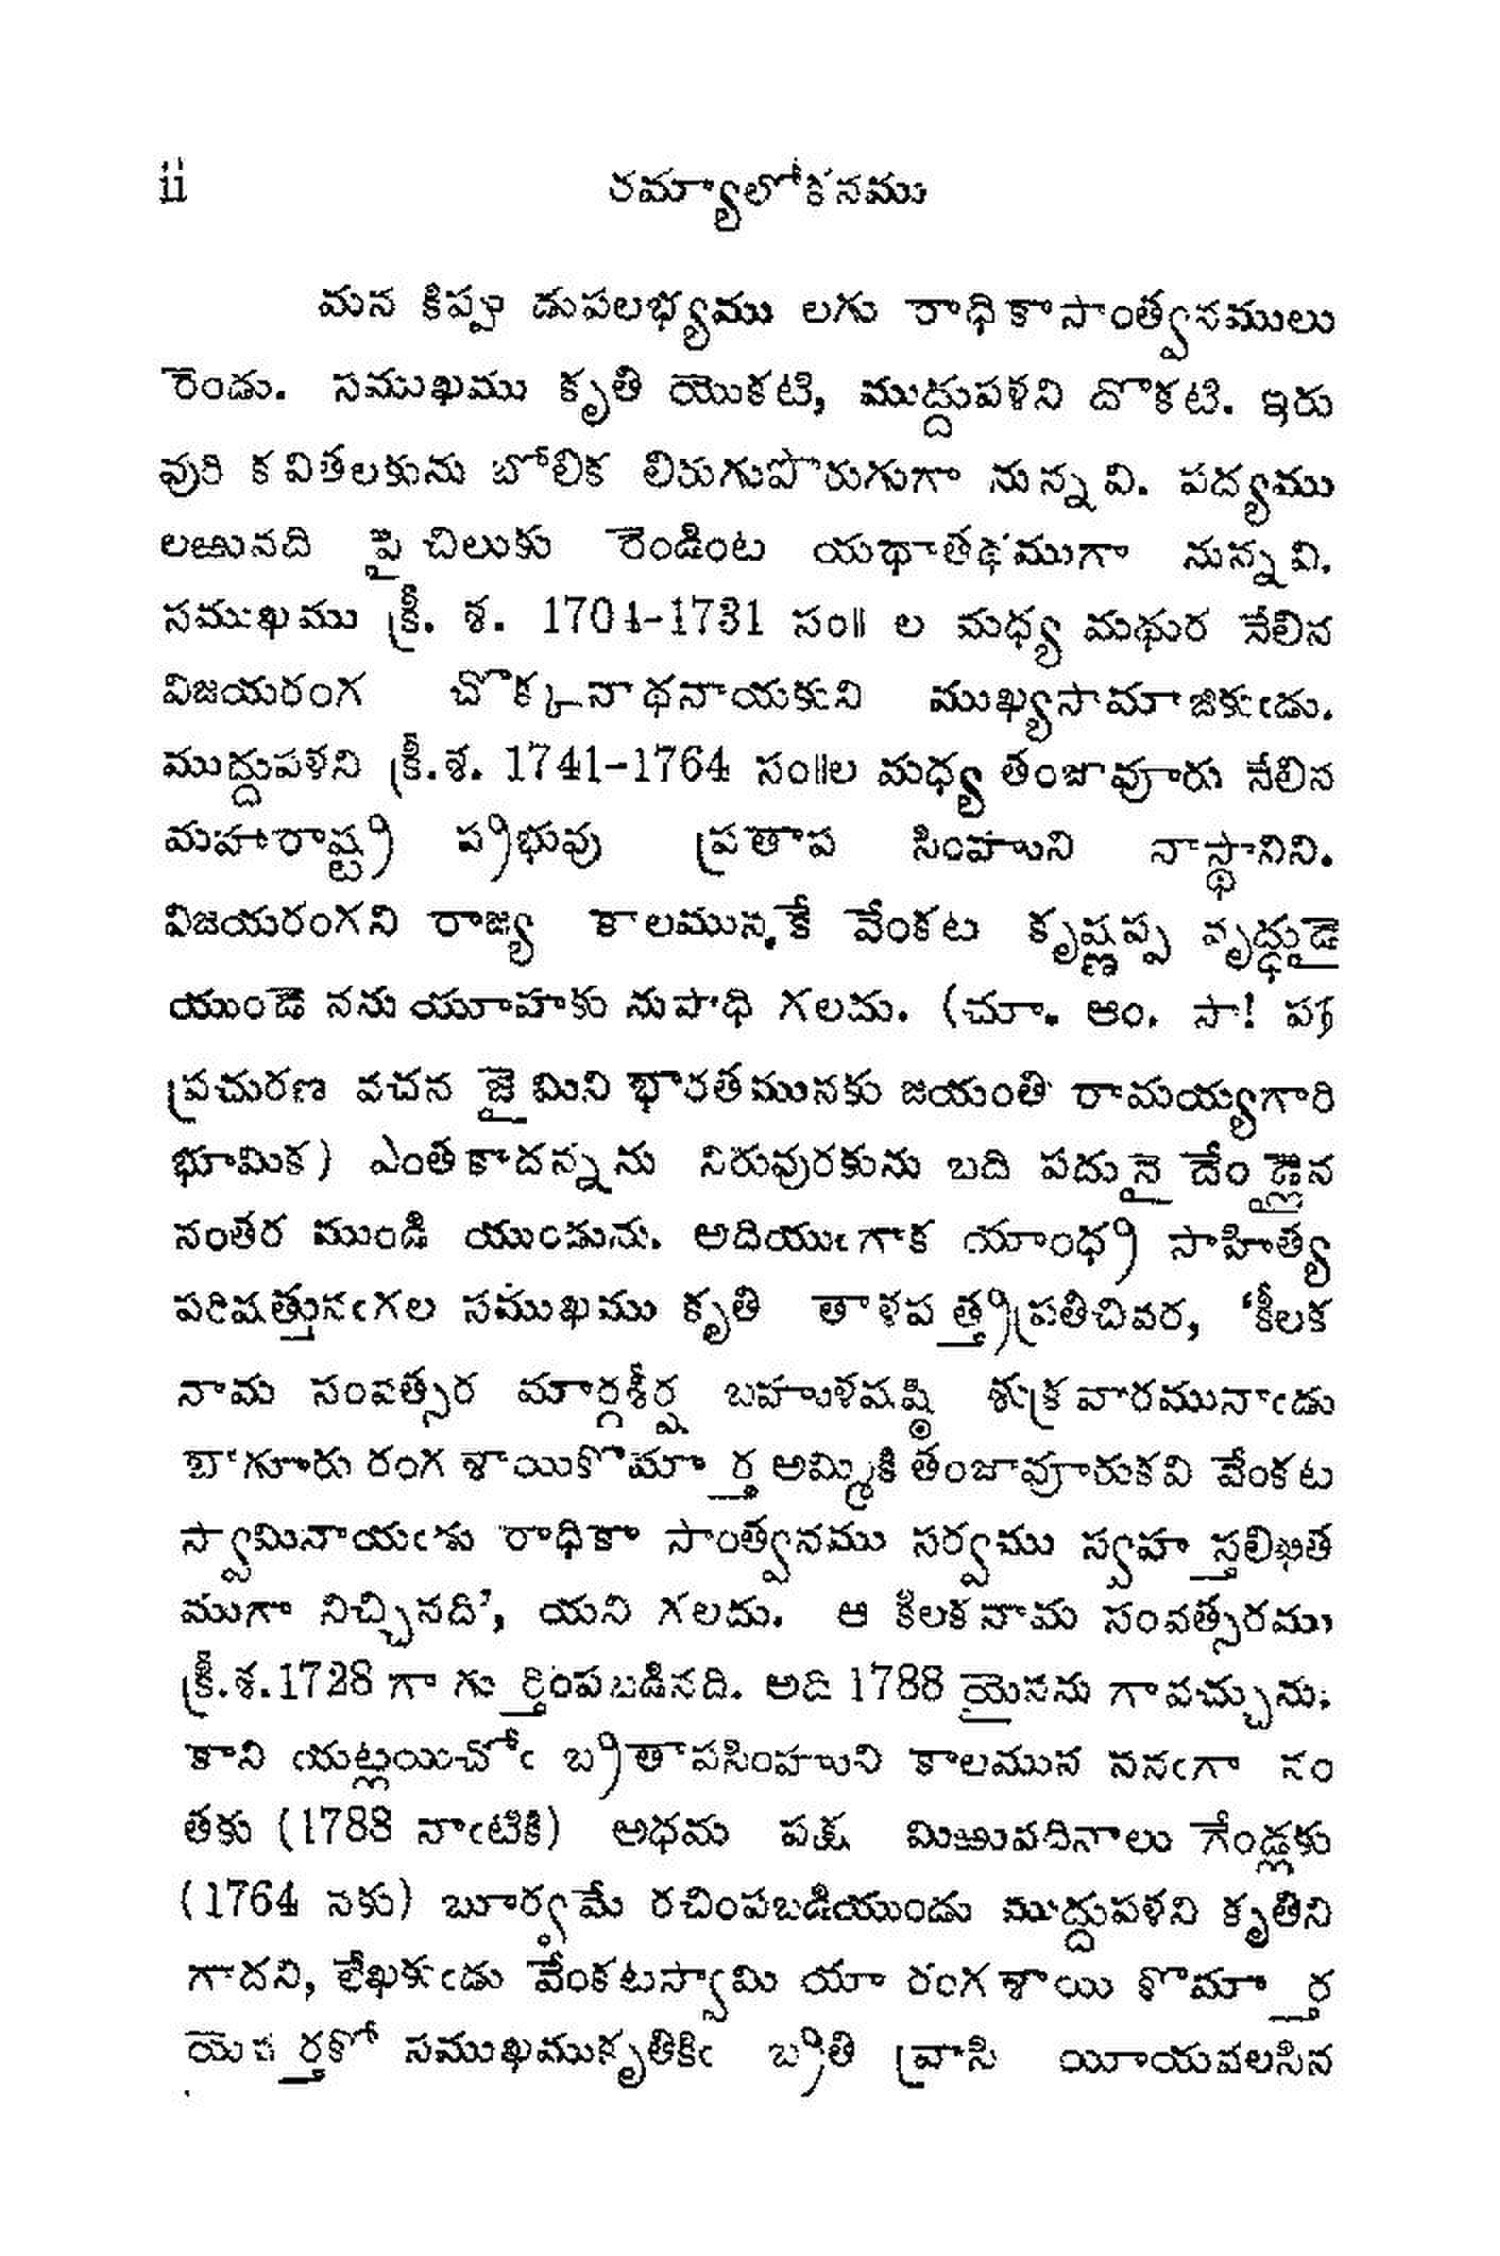మన కిప్పు డుపలభ్యము లగు రాధికాసాంత్వనములు రెండు. సముఖము కృతి యొకటి, ముద్దుపళని దొకటి. ఇరువురి కవితలకును బోలిక లిరుగుపొరుగుగా నున్నవి. పద్యము లఱువది పైచిలుకు రెండింట యథాతథముగా నున్నవి. సముఖము క్రీ.శ. 1704-1731 సం.ల మధ్య మథుర నేలిన విజయరంగ చొక్కనాథనాయకుని ముఖ్యసామాజికుఁడు. ముద్దుపళని క్రీ.శ. 1741-1764 సం.ల మధ్య తంజావూరు నేలిన మహారాష్ట్రప్రభువు ప్రతాపసింహుని నాస్థానిని. విజయరంగని రాజ్యకాలమునకే వేంకట కృష్ణప్ప వృద్ధుఁడై యుండె నను యూహకు నుపాధి గలదు. (చూ. ఆం.సా.ప. ప్రచురణ వచన జైమిని భారతమునకు జయంతి రామయ్యగారి భూమిక) ఎంత కాదన్నను నిరువురకును బది పదునైదేండ్లైన నంతర ముండి యుండును. అదియుఁ గాక యాంధ్ర సాహిత్య పరిషత్తునఁ గల సముఖము కృతి తాళపత్త్రప్రతిచివర, ‘కీలకనామ సంవత్సర మార్గశీర్ష బహుళషష్ఠి శుక్రవారమునాఁడు బాగూరు రంగశాయి కొమార్త అమ్మికి తంజావూరికవి వేంకటస్వామినాయఁడు రాధికాసాంత్వనము సర్వు స్వహస్తలిఖితముగా నిచ్చినది’, యని గలదు. ఆ కీలకనామ సంవత్సరము క్రీ.శ. 1728గా గుర్తింపబడినది. అది 1788 యైనను గావచ్చును. కాని యట్లయినచోఁ బ్రతాపసింహుని కాలమున ననఁగా నంతకు (1788 నాఁటికి) అథమపక్ష మిఱువదినాలుగేండ్లకు (1764 నకు) బూర్వమే రచింపబడియుండు ముద్దుపళని కృతిని గాదని, లేఖకుఁడు వేంకటస్వామి యా రంగశాయి కొమార్త యెవర్తకో సముఖముకృతికిఁ బ్రతి వ్రాసి యీయవలసిన